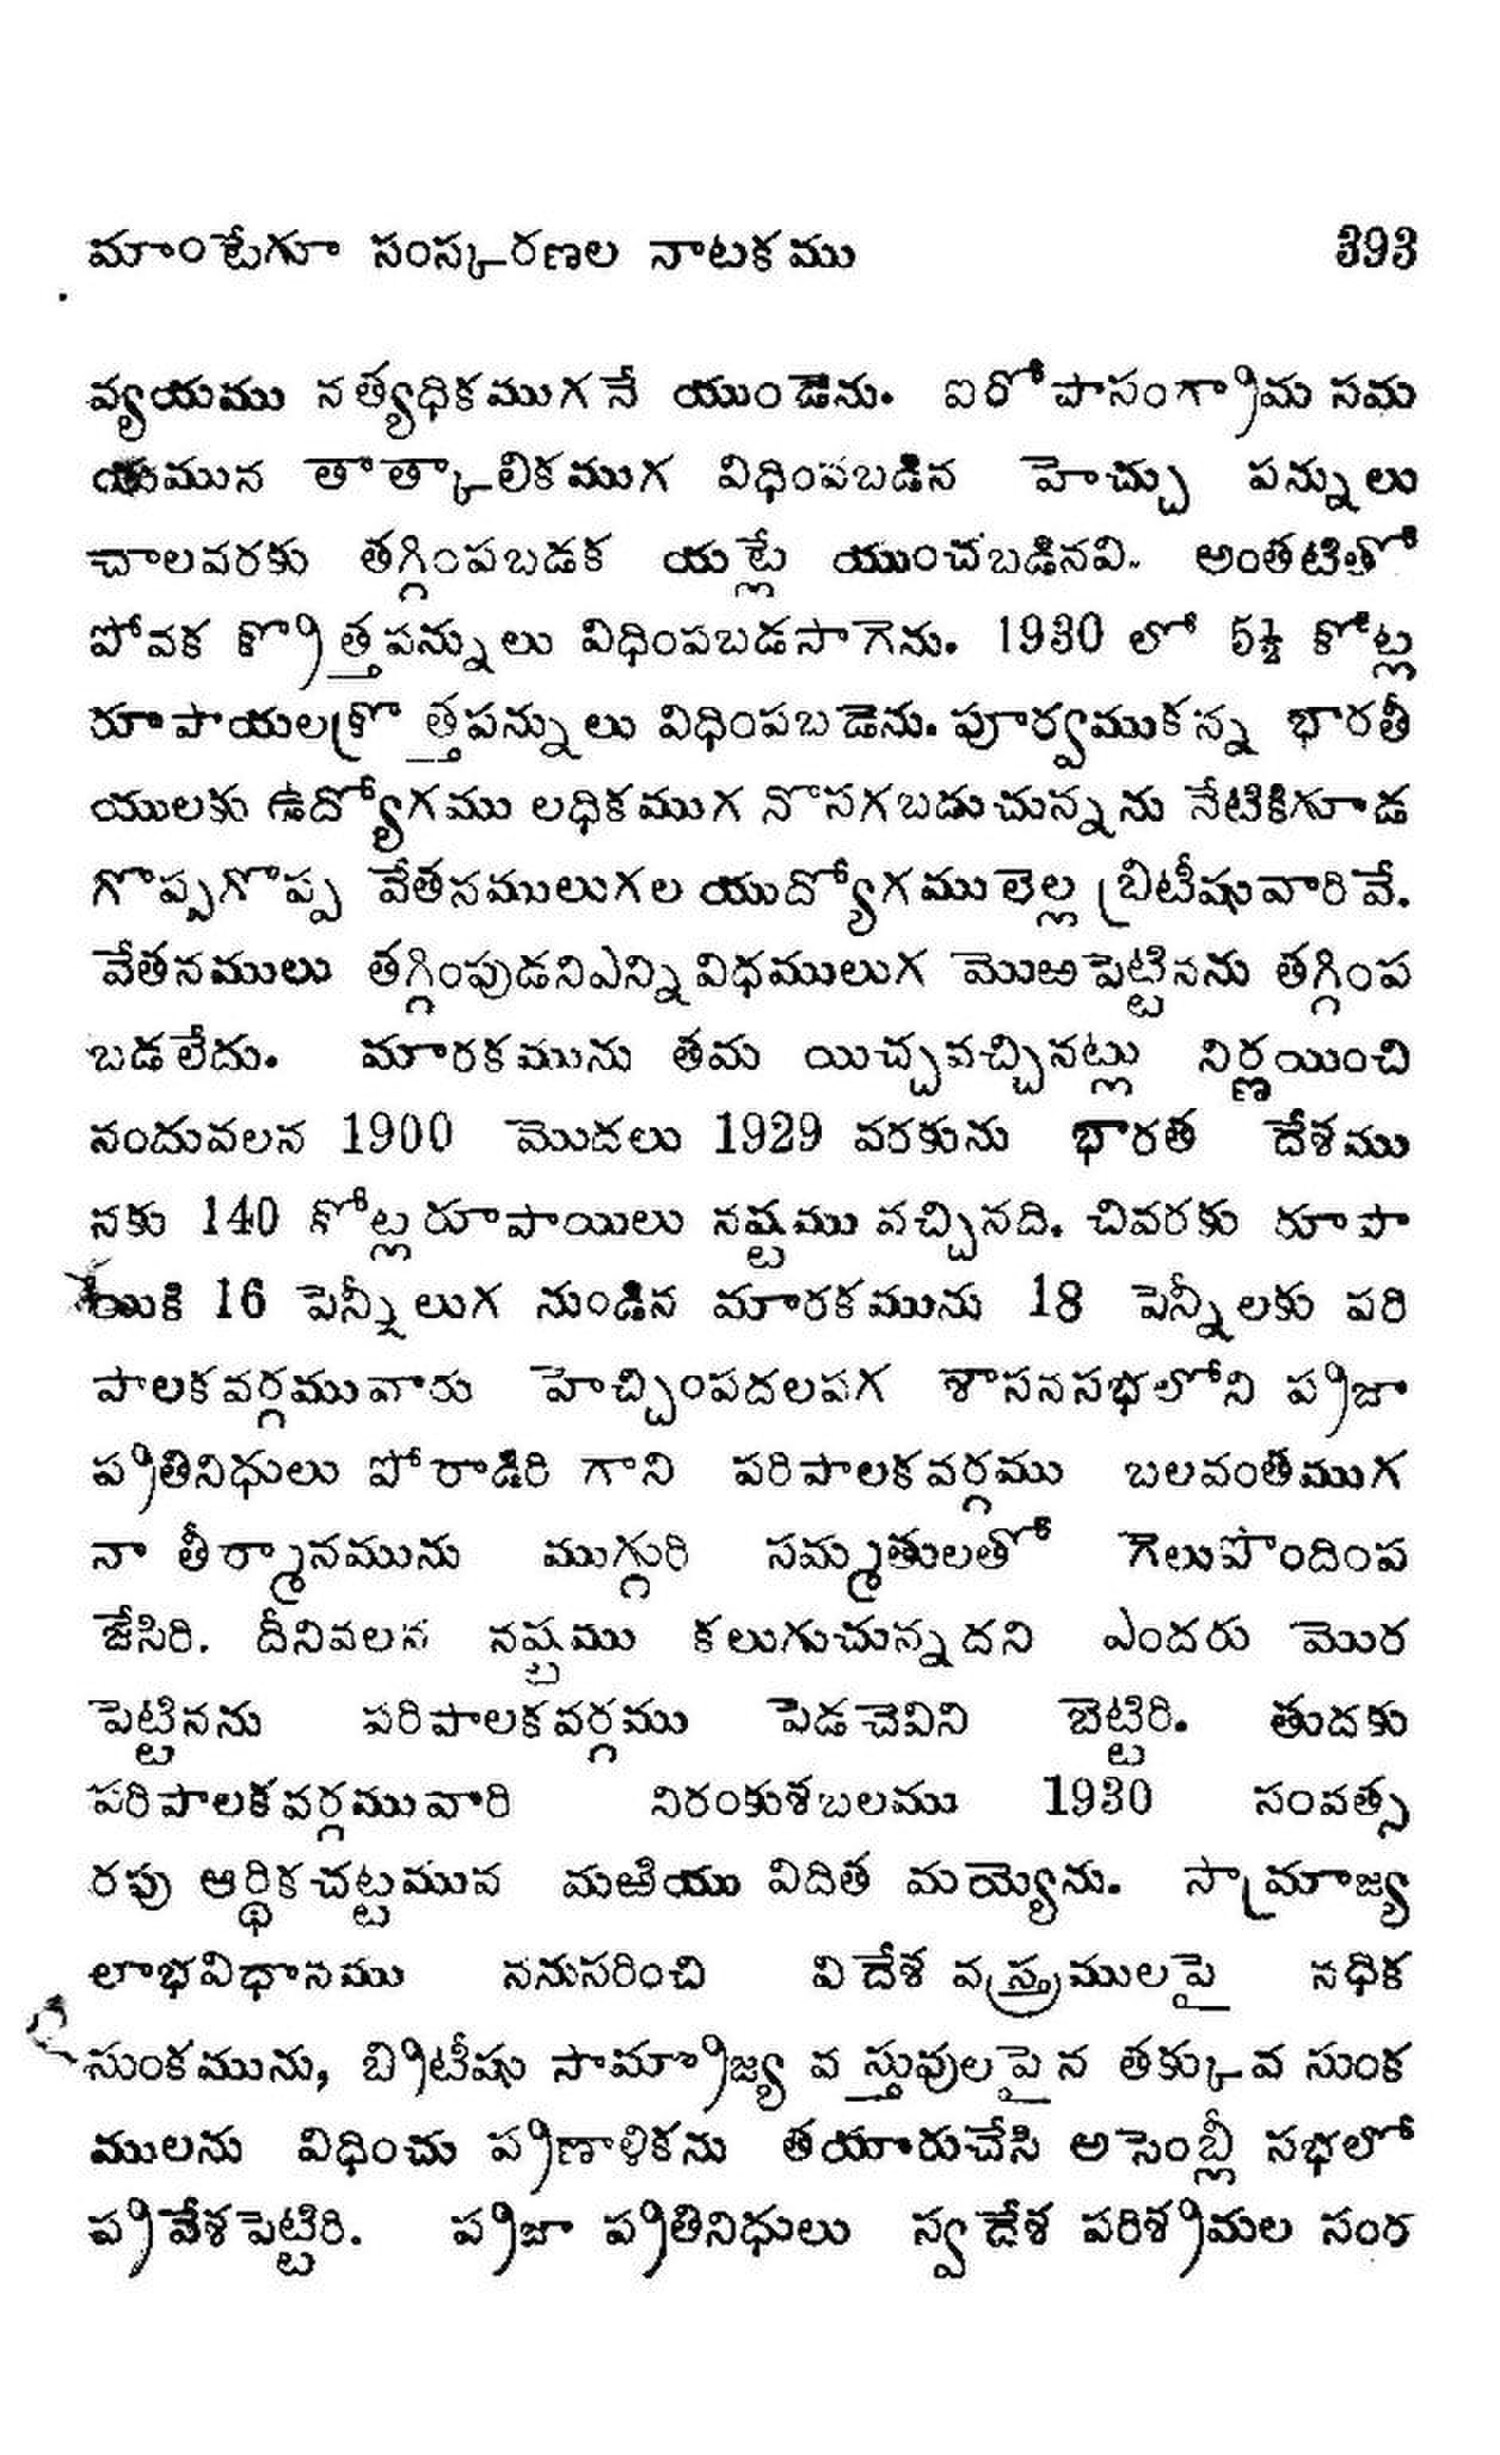వ్యయము నత్యధికముగనే యుండెను. ఐరోపాసంగ్రామసమయమున తాత్కాలికముగ విధింపబడిన హెచ్చు పన్నులు చాలవరకు తగ్గింపబడక యట్లే యుంచబడినవి. అంతటితో పోవక క్రొత్తపన్నులు విధింపబడసాగెను. 1930 లో 5 1/2 కోట్ల రూపాయలక్రొత్తపన్నులు విధింపబడెను. పూర్వముకన్న భారతీయులకు ఉద్యోగము లధికముగ నొసగబడుచున్నను నేటికిగూడ గొప్పగొప్ప వేతనములుగల యుద్యోగములెల్ల బ్రిటీషువారివే. వేతనములు తగ్గింపుడని ఎన్నివిధములుగ మొఱపెట్టినను తగ్గింపబడలేదు. మారకమును తమ యిచ్చవచ్చినట్లు నిర్ణయించి నందువలన 1900 మొదలు 1929 వరకును భారత దేశమునకు 140 కోట్లరూపాయిలు నష్టము వచ్చినది. చివరకు రూపాయికి 16 పెన్నీలుగ నుండిన మారకమును 18 పెన్నీలకు పరిపాలకవర్గమువారు హెచ్చింపదలపగ శాసనసభలోని ప్రజా ప్రతినిధులు పోరాడిరి గాని పరిపాలకవర్గము బలవంతముగ నా తీర్మానమును ముగ్గురి సమ్మతులతో గెలుపొందింప జేసిరి. దీనివలన నష్టము కలుగుచున్నదని ఎందరు మొరపెట్టినను పరిపాలకవర్గము పెడచెవిని బెట్టిరి. తుదకు పరిపాలకవర్గమువారి నిరంకుశబలము 1930 సంవత్సరఫు ఆర్థికచట్టమున మఱియు విదిత మయ్యెను. సామ్రాజ్య లాభవిధానము ననుసరించి విదేశవస్త్రములపై నధిక సుంకమును, బ్రిటీషు సామ్రాజ్య వస్తువులపైన తక్కువ సుంకములను విధించు ప్రణాళికను తయారుచేసి అసెంబ్లీ సభలో ప్రవేశపెట్టిరి. ప్రజా ప్రతినిధులు స్వదేశ పరిశ్రమల సంర